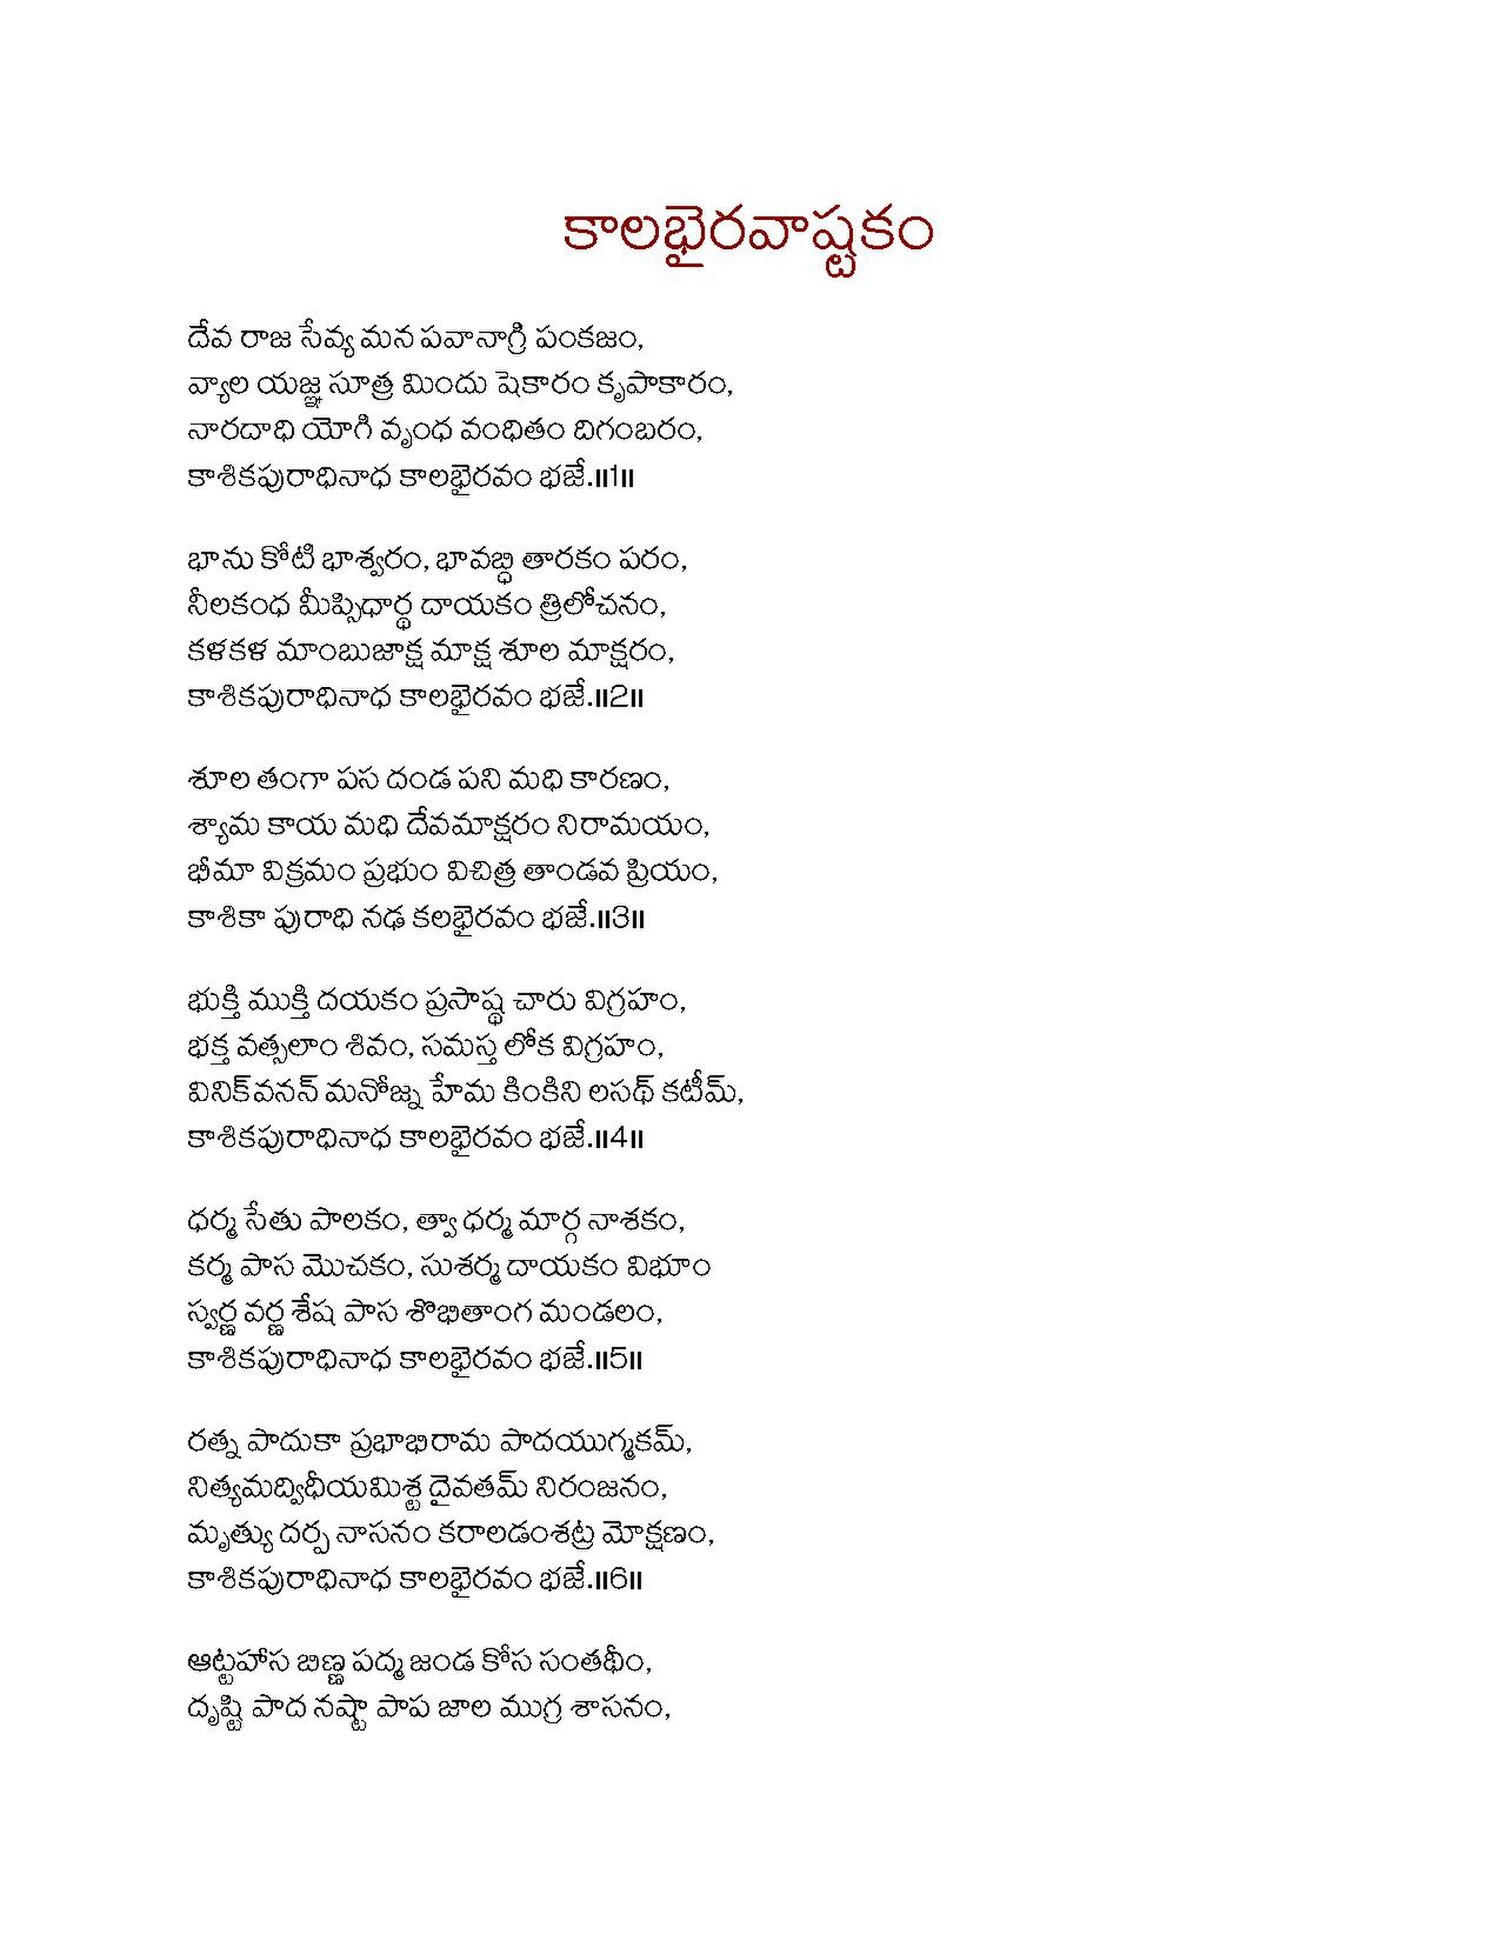కాలభైరవాష్టకం

దేవ రాజ సేవ్య మన పవానాగ్రి పంకజం,
వ్యాల యజ్ఞ సూత్ర మిందు షెకారం కృపాకారం,
నారదాధి యోగి వృంధ వంధితం దిగంబరం,
కాశికపురాధినాధ కాలభైరవం భజే.||1||

భాను కోటి భాస్వరం, భావబ్ధి తారకం పరం,
నీలకంధ మీప్సిధార్థ దాయకం త్రిలోచనం,
కళకళ మాంబుజాక్ష మాక్ష శూల మాక్షరం,
కాశికపురాధినాధ కాలభైరవం భజే.||2||

శూల తంగా పస దండ పని మధి కారణం,
శ్యామ కాయ మధి దేవమాక్షరం నిరామయం,
భీమా విక్రమం ప్రభుం విచిత్ర తాండవ ప్రియం,
కాశికా పురాధి నడ కలభైరవం భజే.||3||

భుక్తి ముక్తి దయకం ప్రతిష్ఠ చారు విగ్రహం,
భక్త వత్సలాం శివం, సమస్త లోక విగ్రహం,
వినిక్ వనన్ మనోజ్న హేమ కింకిని లసథ్ కటీమ్,
కాశికపురాధినాధ కాలభైరవం భజే.||4||

ధర్మ సేతు పాలకం, త్వా ధర్మ మార్గ నాశకం,
కర్మ పాస మొచకం, సుశర్మ దాయకం విభూం
స్వర్ణ వర్ణ శేష పాస శొభితాంగ మండలం,
కాశికపురాధినాధ కాలభైరవం భజే.||5||

రత్న పాదుకా ప్రభాభిరామ పాదయుగ్మకమ్,
నిత్యమద్విధీయమిశ్ట దైవతమ్ నిరంజనం,
మృత్యు దర్ప నాసనం కరాలడంశట్ర మోక్షణం,
కాశికపురాధినాధ కాలభైరవం భజే.||6||

ఆట్టహాస బిణ్ణ పద్మజండ కోస సంతథీం,
దృష్టి పాద నష్టా పాప జాల ముగ్ర శాసనం,